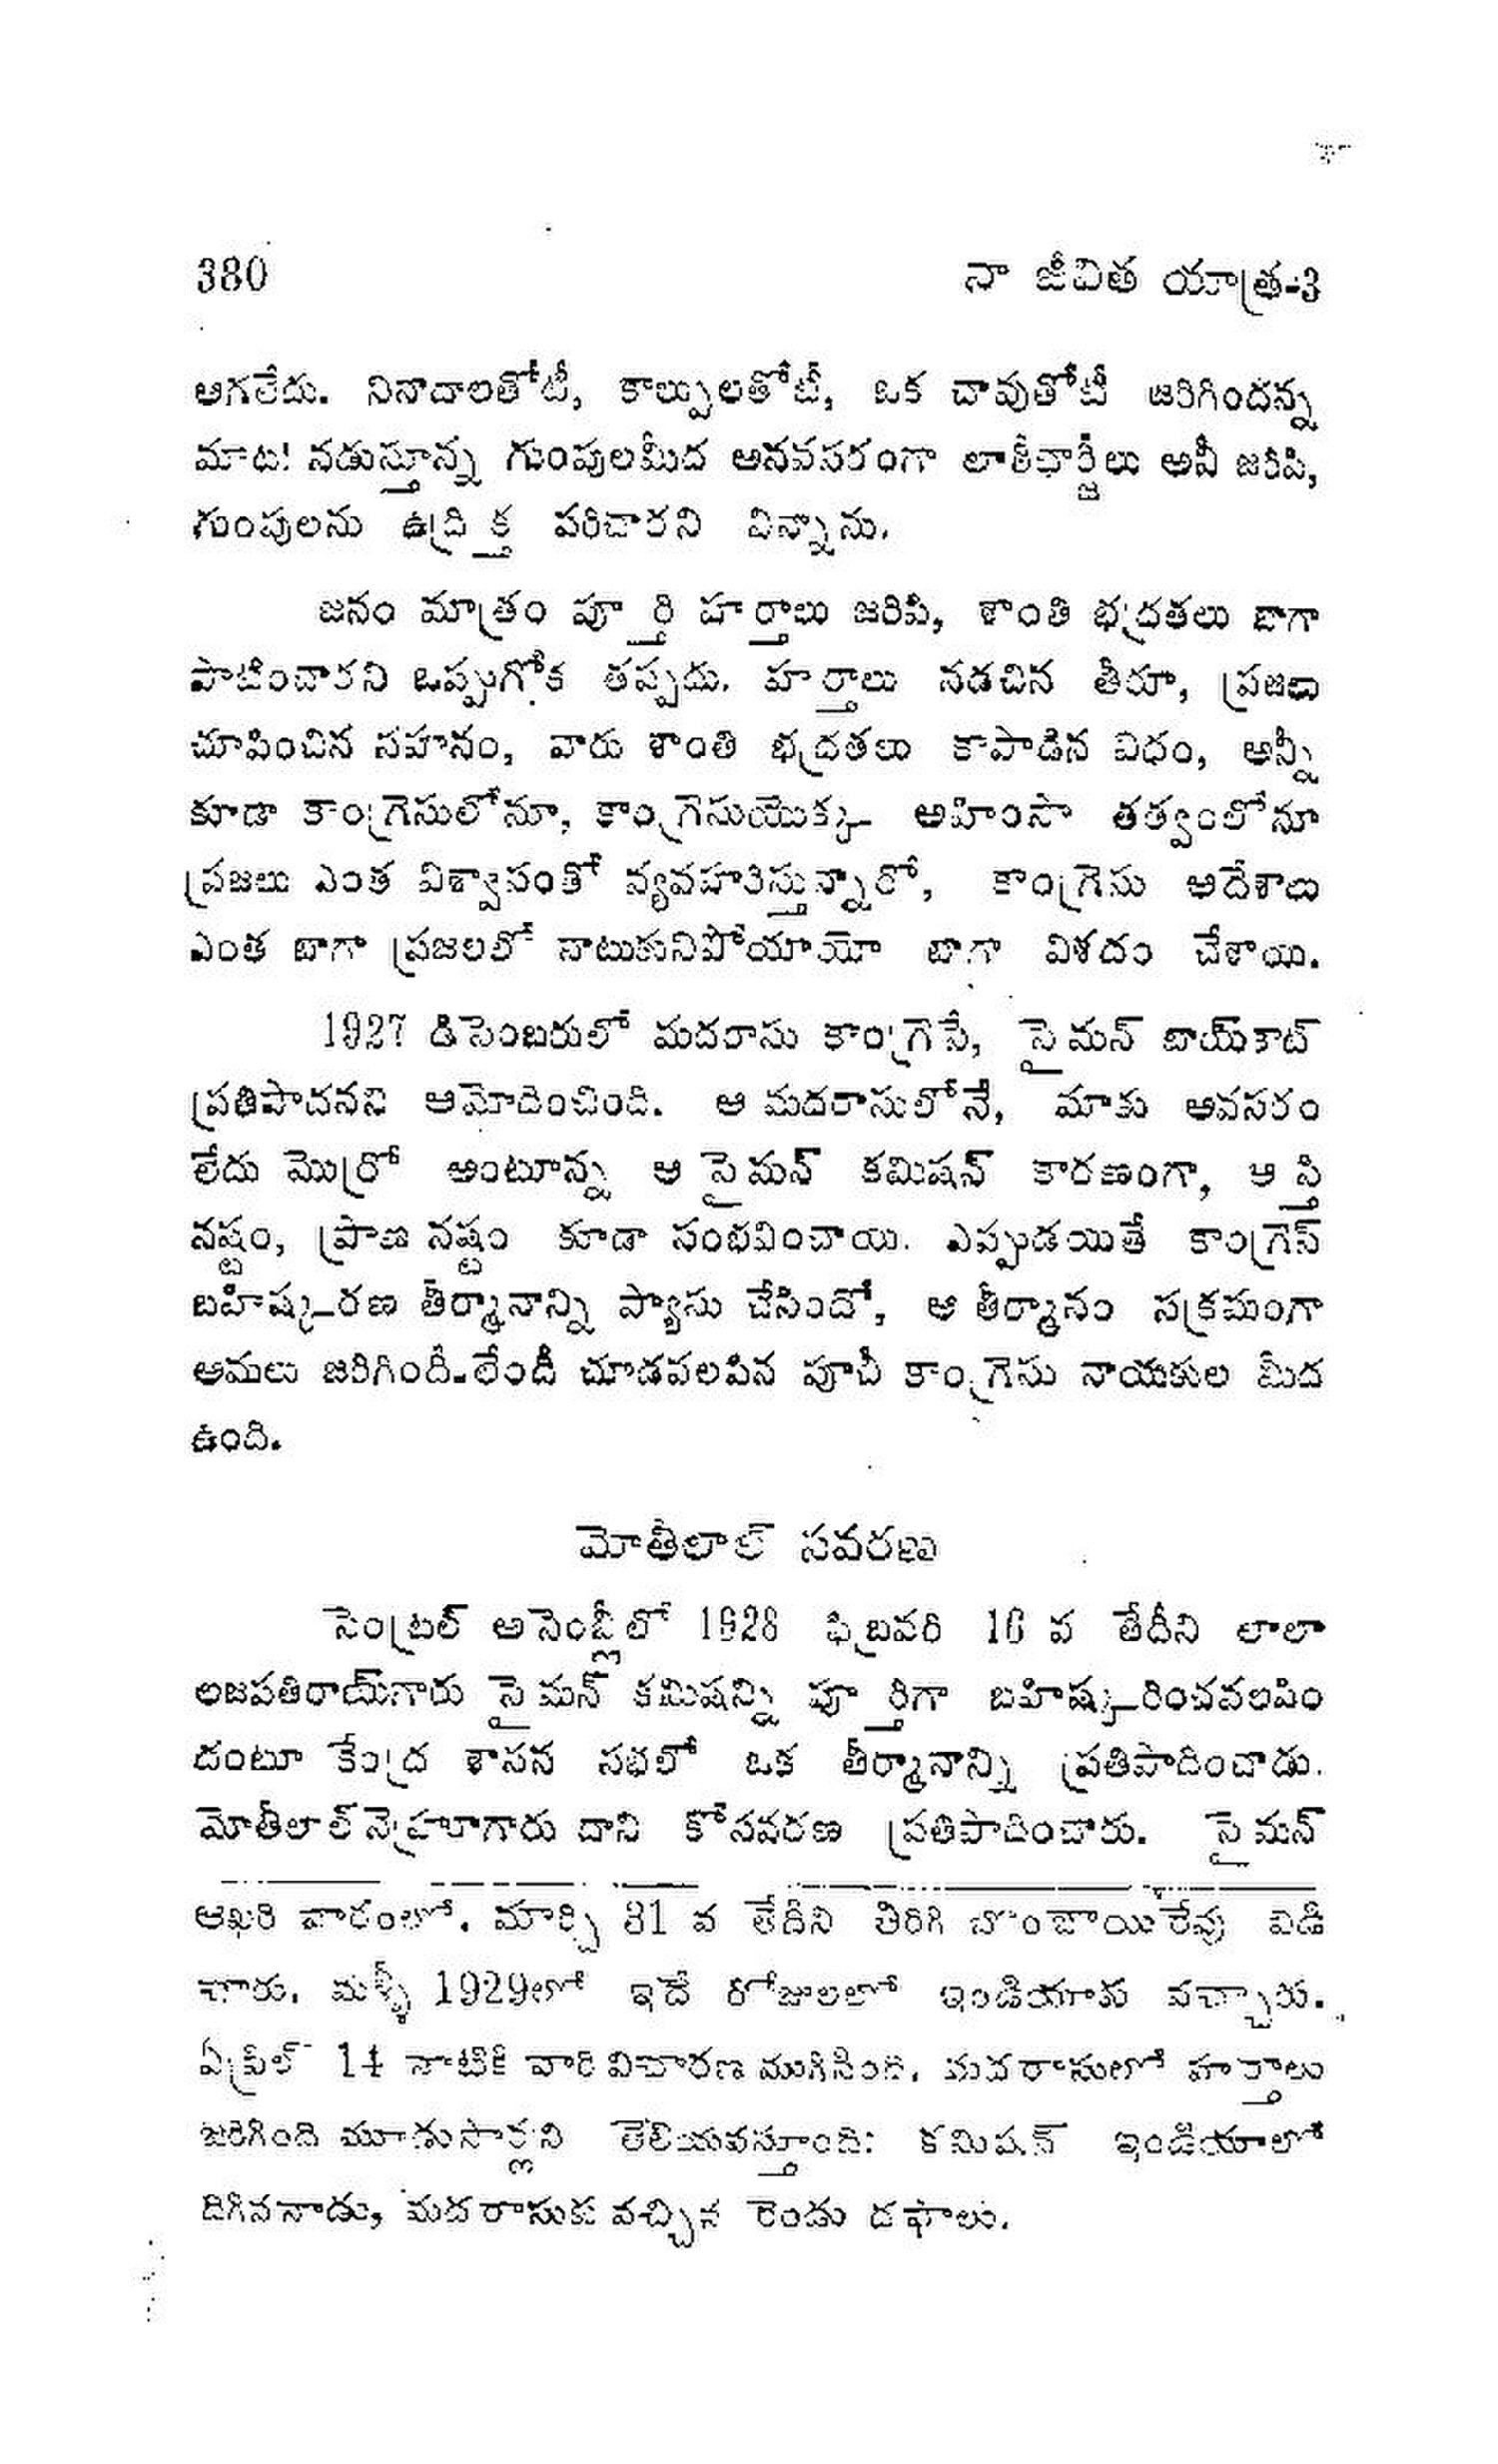ఆగలేదు. నినాదాలతోటీ, కాల్పులతోటీ, ఒక చావుతోటీ జరిగిందన్న మాట! నడుస్తూన్న గుంపులమీద అనవసరంగా లాఠీచార్జీలు అవీ జరిపి, గుంపులను ఉద్రిక్త పరిచారని విన్నాను.

జనం మాత్రం పూర్తి హర్తాలు జరిపి, శాంతి భద్రతలు బాగా పాటించారని ఒప్పుగోక తప్పదు. హర్తాలు నడచిన తీరూ, ప్రజలు చూపించిన సహనం, వారు శాంతి భద్రతలు కాపాడిన విధం, అన్నీ కూడా కాంగ్రెసులోనూ, కాంగ్రెసుయొక్క అహింసా తత్వంలోనూ ప్రజలు ఎంత విశ్వాసంతో వ్యవహరిస్తున్నారో, కాంగ్రెసు ఆదేశాలు ఎంత బాగా ప్రజలలో నాటుకునిపోయాయో బాగా విశదం చేశాయి.

1927 డిసెంబరులో మదరాసు కాంగ్రెసే, సైమన్ బాయ్‌కాట్ ప్రతిపాదనని ఆమోదించింది. ఆ మదరాసులోనే, మాకు అవసరం లేదు మొర్రో అంటూన్న ఆ సైమన్ కమిషన్ కారణంగా, ఆస్తి నష్టం, ప్రాణ నష్టం కూడా సంభవించాయి. ఎప్పుడయితే కాంగ్రెస్ బహిష్కరణ తీర్మానాన్ని ప్యాసు చేసిందో, ఆ తీర్మానం సక్రమంగా అమలు జరిగిందీ - లేందీ చూడవలసిన పూచీ కాంగ్రెసు నాయకుల మీద ఉంది.

సెంట్రల్ అసెంబ్లీలో 1928 ఫిబ్రవరి 16 వ తేదీని లాలా లజపతిరాయ్‌గారు సైమన్ కమిషన్ని పూర్తిగా బహిష్కరించ వలసిందంటూ కేంద్ర శాసన సభలో ఒక తీర్మానాన్ని ప్రతిపాదించాడు. మోతిలాల్‌నెహ్రూగారు దాని కోసవరణ ప్రతిపాదించాడు. సైమన్